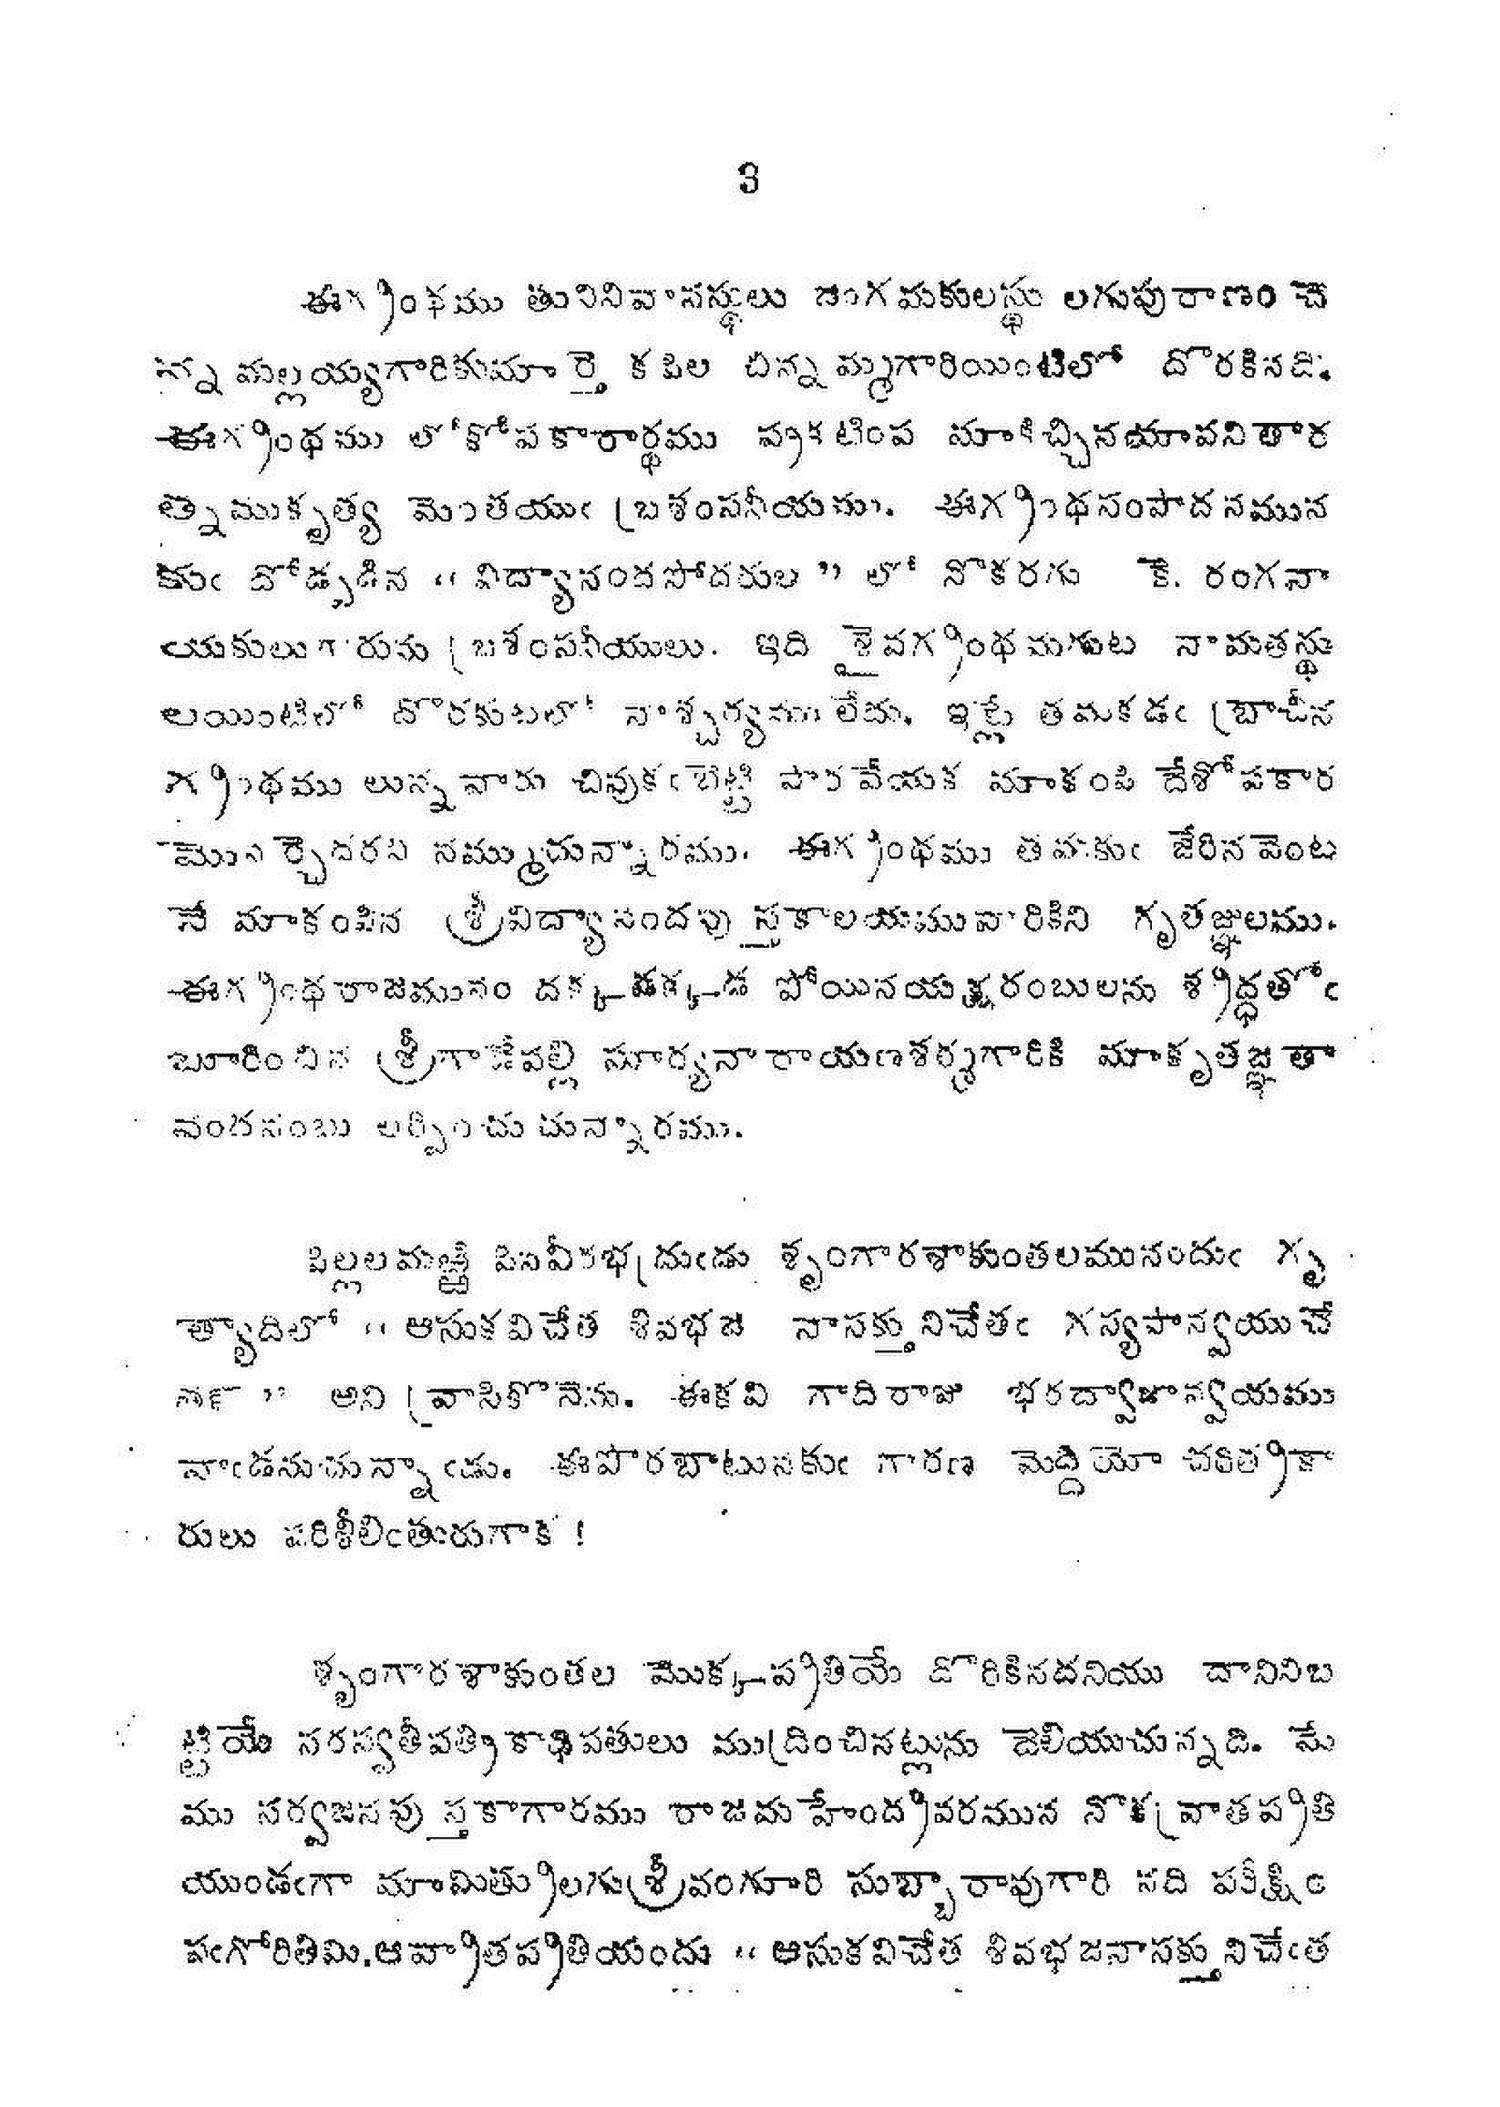ఈగ్రంథము తునినివాసస్థులు జంగమకులస్థు లగుపురాణం చెన్నమల్లయ్యగారికుమార్తె కపిల చిన్నమ్మగారియింటిలో దొరకినది. ఈగ్రంథము లోకోపకారార్థము ప్రకటింప మా కిచ్చిన యావనితారత్నముకృత్య మెంతయుఁ బ్రశంసనీయము. ఈగ్రంథసంపాదనమునకుఁ దోడ్పడిన "విద్యానందసోదరుల”లో నొకరగు కె.రంగనాయకులుగారును బ్రశంసనీయులు. ఇది శైవగ్రంథమగుట నామతస్థులయింటిలో దొరకుటలో నాశ్చర్యము లేదు. ఇట్లే తమకడఁ బ్రాచీనగ్రంథము లున్నవారు చివుకఁబెట్టి పారవేయక మా కంపి దేశోపకార మొనర్చెదరని నమ్ముచున్నారము. ఈగ్రంథము తమకుఁ జేరినవెంటనే మాకంపిన శ్రీవిద్యానందపుస్తకాలయమువారికిని గృతజ్ఞులము. ఈగ్రంథరాజమునం దక్కడక్కడ పోయినయక్షరంబులను శ్రద్ధతోఁ బూరించిన శ్రీగాడేపల్లి సూర్యనారాయణశర్మగారికి మాకృతజ్ఞతావందనంబు లర్పించుచున్నారము.

పిల్లలమఱ్ఱి నవీరభద్రుఁడు శృంగారశాకుంతలమునందుఁ గృత్యాదిలో "ఆసుకవిచేత శివభజనాసక్తునిచేతఁ గస్యపాన్వయుచేతన్" అని వ్రాసికొనెను. ఈకవి గాదిరాజు భరద్వాజాన్వయమువాఁ డనుచున్నాడు. ఈపొరబాటునకుఁ గారణ మెద్దియో చరిత్రకారులు పరిశీలింతురుగాక!

శృంగారశాకుంతల మొక్కప్రతియే దొరికినదనియు దానినిబట్టియే సరస్వతీపత్రికాధిపతులు ముద్రించినట్లును దెలియుచున్నది. మేము సర్వజనపుస్తకాగారము రాజమహేంద్రవరమున నొకవ్రాతప్రతి యుండఁగా మామిత్రులగు శ్రీ వంగూరి సుబ్బారావుగారి నది పరీక్షింపఁగోరితిమి.ఆవ్రాతప్రతియందు ఆసుకవిచేత శివభజనాసక్తునిచేఁత